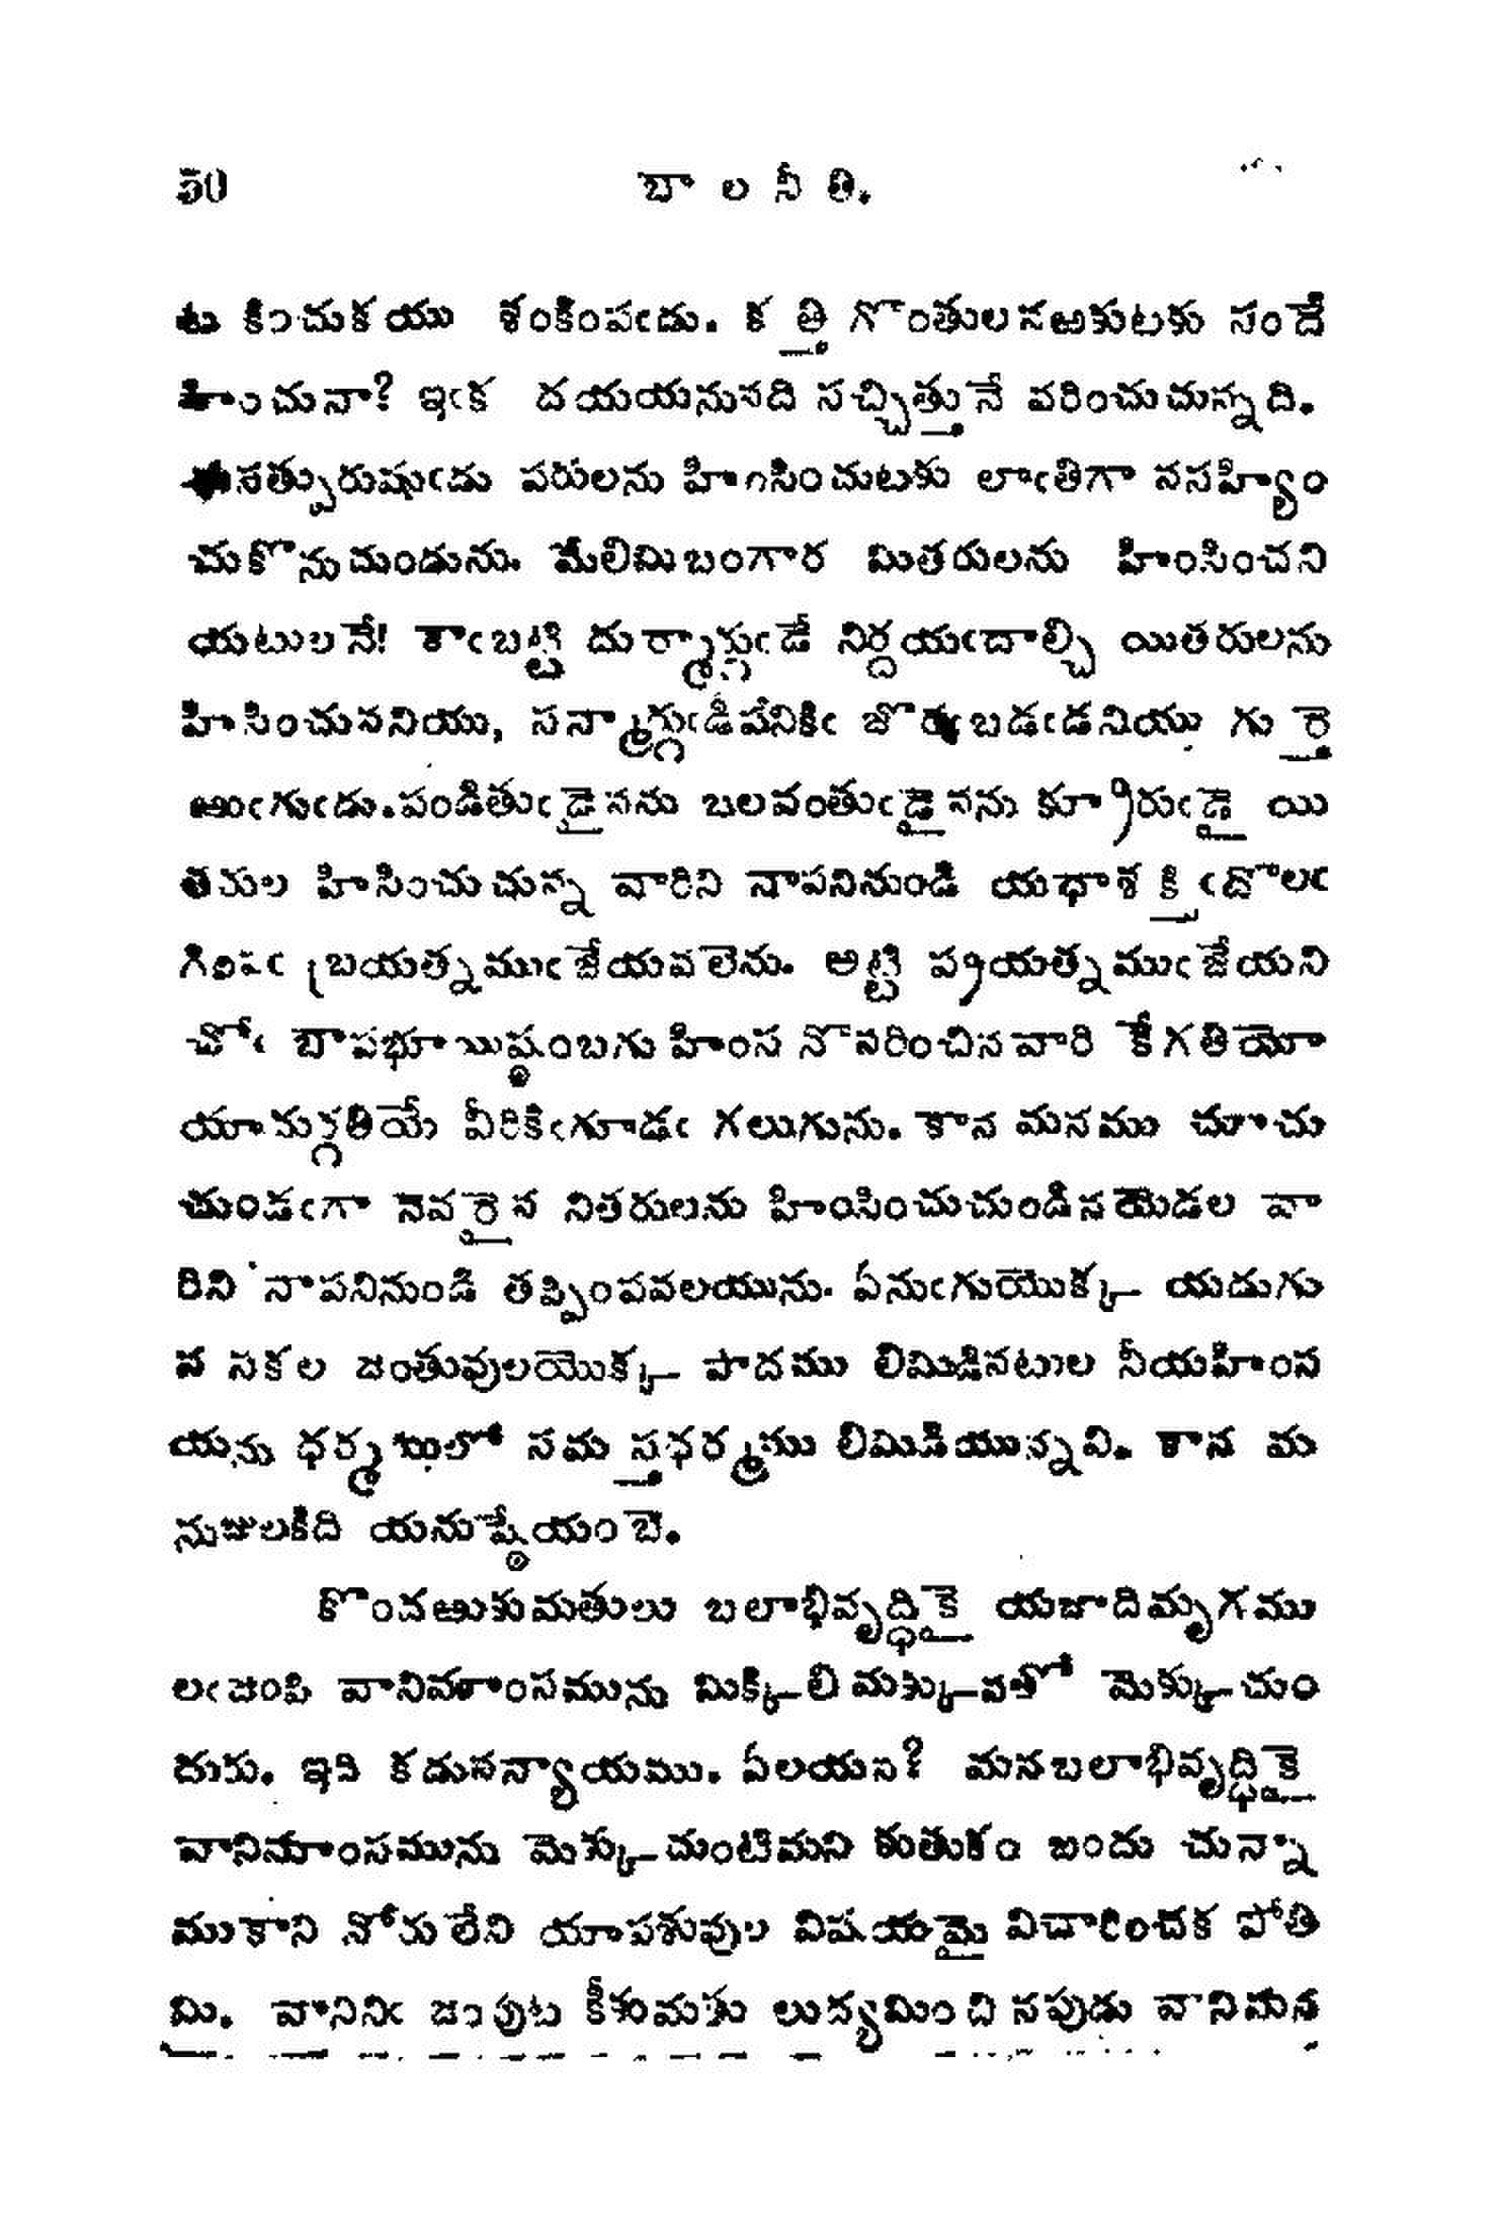ట కించుకయు శంకింపఁడు. కత్తి గొంతులనఱకుటకు సందే
హించునా? ఇఁక దయయనునది సచ్చిత్తునే వరించుచున్నది. 
ఈసత్పురుషుఁడు పరులను హింసించుటకు లాఁతిగా నసహ్యిం
చుకొనుచుండును. మేలిమిబంగార మితరులను హింసించని
యటులనే! కాఁబట్టి దుర్మార్గుఁడే నిర్దయఁదాల్చి యితరులను 
హింసించుననియు, సన్మార్గుఁడీపనికిఁ జొరఁబడఁడనియు గుర్తె
ఱుఁగుఁడు. పండితుఁడైనను బలవంతుఁడైనను క్రూరుఁడై యి
తరుల హింసించుచున్న వారిని నాపనినుండి యధాశక్తిఁదొలఁ
గింపఁ బ్రయత్నముఁజేయవలెను. అట్టి ప్రయత్నముఁజేయని
చోఁ బాపభూయిష్ఠంబగు హింస నొనరించినవారి కేగతియో 
యాదుర్గతియే వీరికిఁగూడఁ గలుగును. కాన మనము చూచు
చుండఁగా నెవరైన నితరులను హింసించుచుండినయెడల వా
రిని నాపనినుండి తప్పింపవలయును. ఏనుఁగుయొక్క యడుగు
న సకల జంతువులయొక్క పాదము లిమిడినటుల నీయహింస 
యను ధర్మములో సమస్తధర్మము లిమిడియున్నవి. కాన మ
నుజులకిది యనుష్ఠేయంబె.

కొందఱుకుమతులు బలాబివృద్ధికై యాజాదిమృగము
లఁజంపి వానిమాంసమును మిక్కిలిమక్కువతో మెక్కుచుం
దురు. ఇది కడునన్యాయము. ఏలయన? మనబలాభివృద్ధికై 
వానిమాంసమును మెక్కుచుంటిమని కుతుకం బందు చున్నా
ముకాని నోరులేని యాపశువుల విషయమై విచారించక పోతి
మి. వానినిఁ జంపుట కీకుమతు లుద్యమించి నపుడు వానిమన